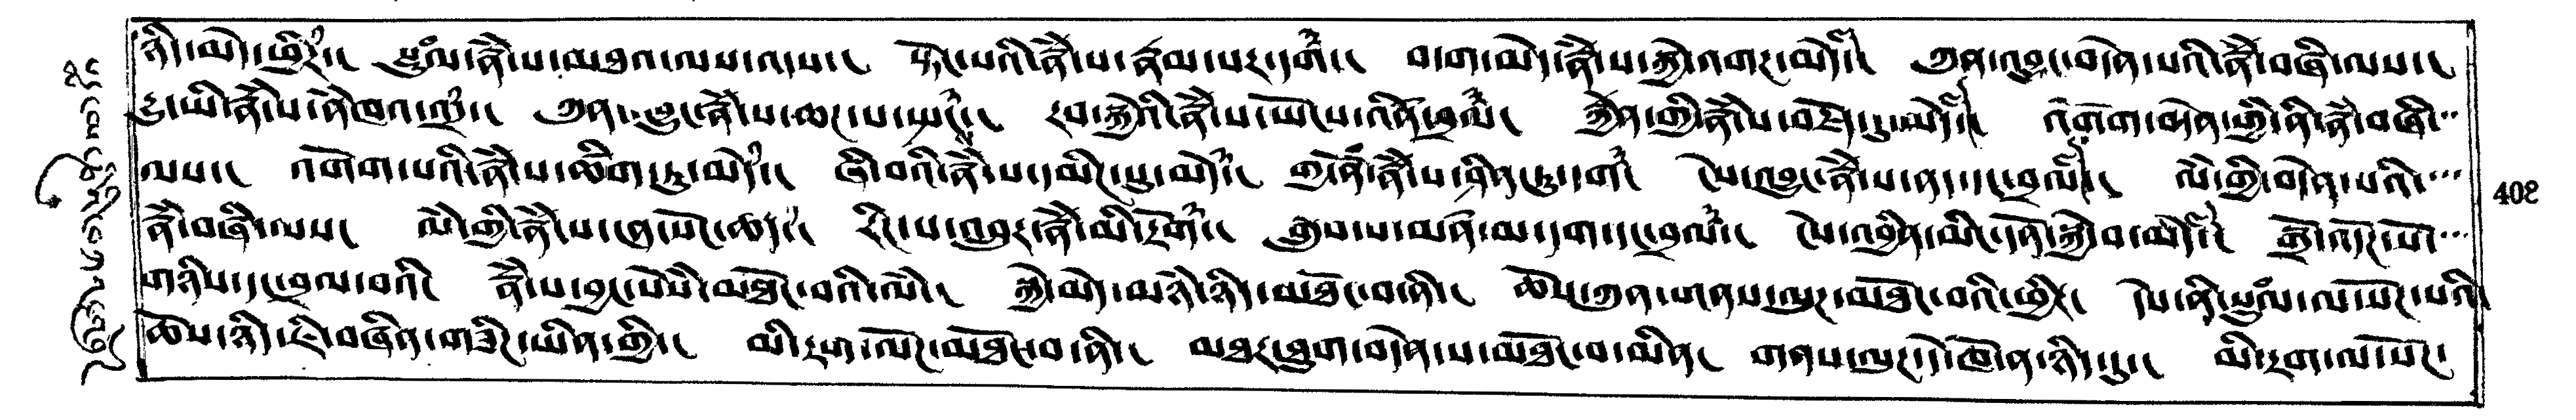ཉིད་མེད་ཕྱིར། །སྡུག་བསྔལ་རྣམ་པ་མཐའ་ལས་འདས། །སྟོང་པའི་རྣམ་པ་རྣམ་པར་དག །བདག་མེད་རྣམ་པ་སྐྱེ་འགགས་མེད། །ཀུན་འབྱུང་བདེན་པའི་རྣམ་བཞི་ལས། །
རྒྱུ་ཡི་རྣམ་པ་ནམ་མཁའ་འདྲ། །ཀུན་འབྱུང་རྣམ་པ་ཆགས་པ་སྤང་། །རབ་སྐྱེའི་རྣམ་པ་ཡོངས་འཛིན་བྲལ། །རྐྱེན་གྱི་རྣམ་པ་བརྗོད་དུ་མེད། །འགོག་བདེན་གྱི་ནི་རྣམ་བཞི་
ལས། །འགོག་པའི་རྣམ་པ་ཚིག་ཏུ་མེད། །ཞི་བའི་རྣམ་པ་དམིགས་སུ་མེད། །གྱ་ནོམ་རྣམ་པ་ཤིན་ཏུ་དག།ངེས་འབྱུང་རྣམ་པ་ནད་དང་བྲལ། །ལམ་གྱི་བདེན་པའི་
རྣམ་བཞི་ལས། །ལམ་གྱི་རྣམ་པ་ངན་སོང་ཆད། །རིགས་པ་འབྲས་བུར་རྣམ་མི་རྟོག །སྒྲུབ་པ་མཚན་མ་དག་དང་བྲལ། །ངེས་འབྱིན་མིང་དོན་སྐྱེ་བ་མེད། །སྒྲོ་འདོགས་སོ་
གཉིས་དང་བྲལ་བའི། །རྣམ་པ་བྱང་སེམས་མཐོང་བའི་ལམ། །སྐྱེ་མེད་མཉམ་ཉིད་མཐོང་བ་ནི། །ཆོས་ཀུན་གནས་ལུགས་མཐོང་བའི་ཕྱིར། །དེས་ནི་སྡུག་བསྔལ་ལ་སོགས་པའི། །
ཆོས་ཉིད་ཇི་བཞིན་གཟིགས་ཡིན་གྱི། །མི་རྟག་ལ་སོགས་མཐོང་བ་ནི། །མཐར་ཐུག་བདེན་པ་མཐོང་བ་མིན། །གནས་ལུགས་དེ་ཁོ་ན་ཉིད་དུ། །མི་རྟག་ལ་སོགས་